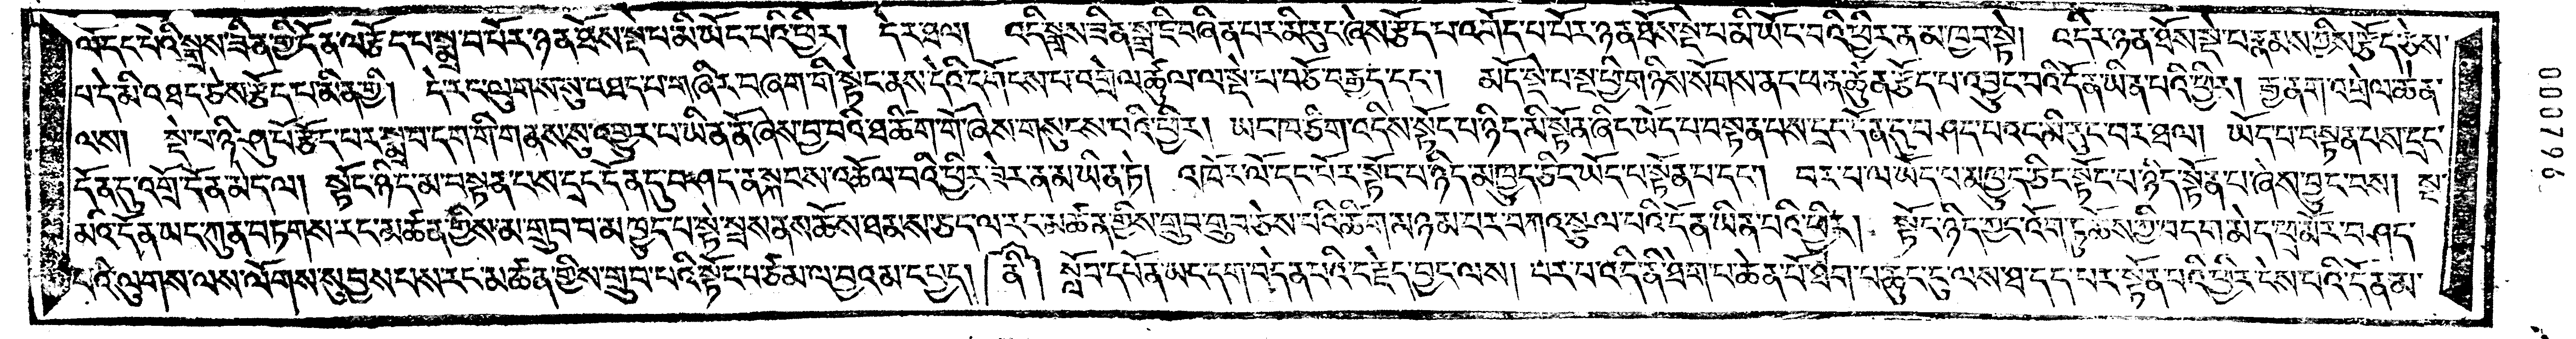ལོ་དང་པོའི་སྒྲས་ཟིན་གྱི་དོན་ལ་རྩོད་པ་སྨྲ་བ་པོར་ཉན་ཐོས་སྡེ་པ་མི་ཡོང་པའི་ཕྱིར། དེར་ཐལ། འདི་སྒྲས་ཟིན་སྒྲ་ཇི་བཞིན་པར་མི་རུང་ཞེས་རྩོད་པ་འགོད་པ་པོར་ཉན་ཐོས་སྡེ་པ་མི་ཡོང་པའི་ཕྱིར་ན་མ་ཁྱབ་སྟེ། འདིར་ཉན་ཐོས་སྡེ་པ་རྣམས་ཀྱིས་རྩོད་ཅེས་
པ་དེ་མི་འཐད་ཅེས་རྩོད་པ་མིན་གྱི། དེ་རང་ལུགས་སུ་འཐད་པ་གཞིར་བཞག་གི་སྟེང་ནས་དེའི་དགོངས་པ་འགྲེལ་ཚུལ་ལ་སྡེ་པ་བཅོ་བརྒྱད་དང་། མདོ་སྡེ་པ་སྔ་ཕྱི་གཉིས་སོགས་ནང་ཕན་ཚུན་རྩོད་པ་འབྱུང་བའི་དོན་ཡིན་པའི་ཕྱིར། རྒྱ་ནག་འགྲེལ་ཆེན་
ལས། སྡེ་པ་ཉི་ཤུ་པོ་རྩོད་པར་སྨྲ་བ་དག་གི་གནས་སུ་འགྱུར་བ་ཡིན་ནོ་ཞེས་བྱ་བའི་ཐ་ཚིག་གོ་ཞེས་གསུངས་པའི་ཕྱིར། ཡང་ཁ་ཅིག་འདིས་སྟོང་པ་ཉིད་མི་སྟོན་ཞིང་ཡོད་པ་བསྟན་པས་དྲང་དོན་དུ་བཤད་པའང་མི་རུང་བར་ཐལ། ཡོད་པ་བསྟན་པས་དྲང་
དོན་དུ་འགྲོ་དོན་མེད་ལ། སྟོང་ཉིད་མ་བསྟན་པས་དྲང་དོན་དུ་བཤད་ན་སྐབས་འཆོལ་བའི་ཕྱིར་ཟེར་ན་མ་ཡིན་ཏེ། འཁོར་ལོ་དང་པོར་སྟོང་པ་ཉིད་མཁྱུད་ཅིང་ཡོད་པ་སྟོན་པ་དང་། བར་པ་ལ་ཡོད་པ་མཁྱུད་ཅིང་སྟོང་པ་ཉིད་སྟོན་པ་ཞེས་བྱུང་བས། སྔ་
མའི་དོན་ཡང་ཀུན་བཏགས་རང་མཚན་གྱིས་མ་གྲུབ་པ་མཁྱུད་པ་སྟེ་སྦས་ནས་ཆོས་ཐམས་ཅད་ལ་རང་མཚན་གྱིས་གྲུབ་གྲུབ་ཅེས་པའི་ཚིག་མཉམ་པར་བཀའ་སྩལ་པའི་དོན་ཡིན་པའི་ཕྱིར། སྟོང་ཉིད་ཀྱང་འོག་ཏུ་ཆོས་ཀྱི་བདག་མེད་ཕྲ་མོར་བཤད་
པའི་ལུགས་ལས་ལོགས་སུ་བྱས་པས་རང་མཚན་གྱིས་གྲུབ་པའི་སྟོང་པ་ཙམ་ལ་བྱའམ་དཔྱད། ༼ནི༽ སློབ་དཔོན་ཡང་དག་བདེན་པའི་བརྗེད་བྱང་ལས། བར་པ་འདི་ནི་ཐེག་པ་ཆེན་པོ་ཐེག་པ་ཆུང་དུ་ལས་ཐ་དད་པར་སྟོན་པའི་ཕྱིར་ངེས་པའི་དོན་མ་